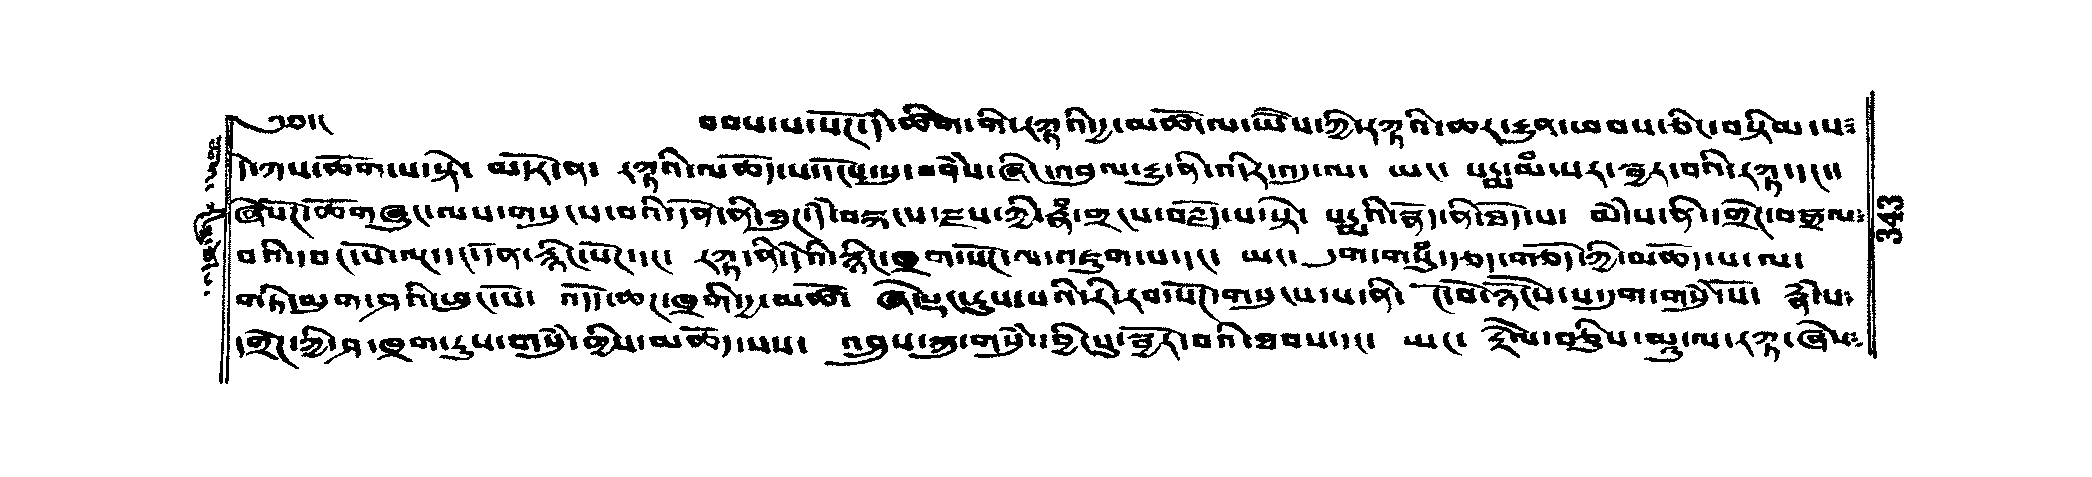བབས་པ་སོགས་དམ་ཚིག་གི་རཀྟའི་རྒྱ་མཚོ་ལ་ཡེ་ཤེས་ཀྱི་རཀྟའི་ཆར་རྒྱུན་ཕབས་ཅིང་བསྟིམ་པ་
དེ་ཀས་ཆོག་པ་སྟེ། མདོར་ན་རཀྟའི་མཆོད་པ་དངོས་སུ་བཤམས་ཞིང་འབུལ་རྒྱུ་ནི་འདིར་འདུ་ལ།ཡང་པདྨ་མཾ་སར་སྦྱར་བའི་རཀྟ་དང་
ཞེས་སོགས་ཆོག་གཞུང་ལས་གསུངས་བའི་དོན་ནི་ཐུགས་དམ་བསྐང་རྫས་ཀྱི་རྣམ་གྲངས་བརྗོད་པ་སྟེ། པདྨའི་སྣོད་ནི་ཐོད་པ། མཾ་ས་ནི་དགྲ་བགེགས་བསྒྲལ་
བའི་དབང་པོ་ལྔ་དང་དོན་སྙིང་སོགས་དང་། རཀྟ་ནི་དེའི་སྙིང་ཁྲག་སོགས་ལ་འཇུག་པ་དང་། ཡང་དུག་གསུམ་རྩད་གཅོད་ཀྱི་མཆོད་པ་ལ་
གཏི་མུག་ཤའི་ཕུང་པོ། འདོད་ཆགས་ཁྲག་གི་རྒྱ་མཚོ། ཞེ་སྡང་རུས་པའི་རི་རབ་སོགས་གསུངས་པ་ནི། ངོ་བོ་ཉོན་མོངས་པ་དུག་གསུམ་པོ། རྣམ་པ་
དགྲ་གེགས་ཀྱི་ཤ་ཁྲག་རུས་ཁྲག་རུས་གསུམ་གྱིས་མཆོད་པས། འབྲས་བུ་སྐུ་གསུམ་དབྱིངས་སུ་སྦྱོར་བའི་ཐབས་དང་། ཡང་རྟེན་འབྲེལ་བཅུ་གཉིས་མཱུ་ལ་རཀྟ་ཞེས་